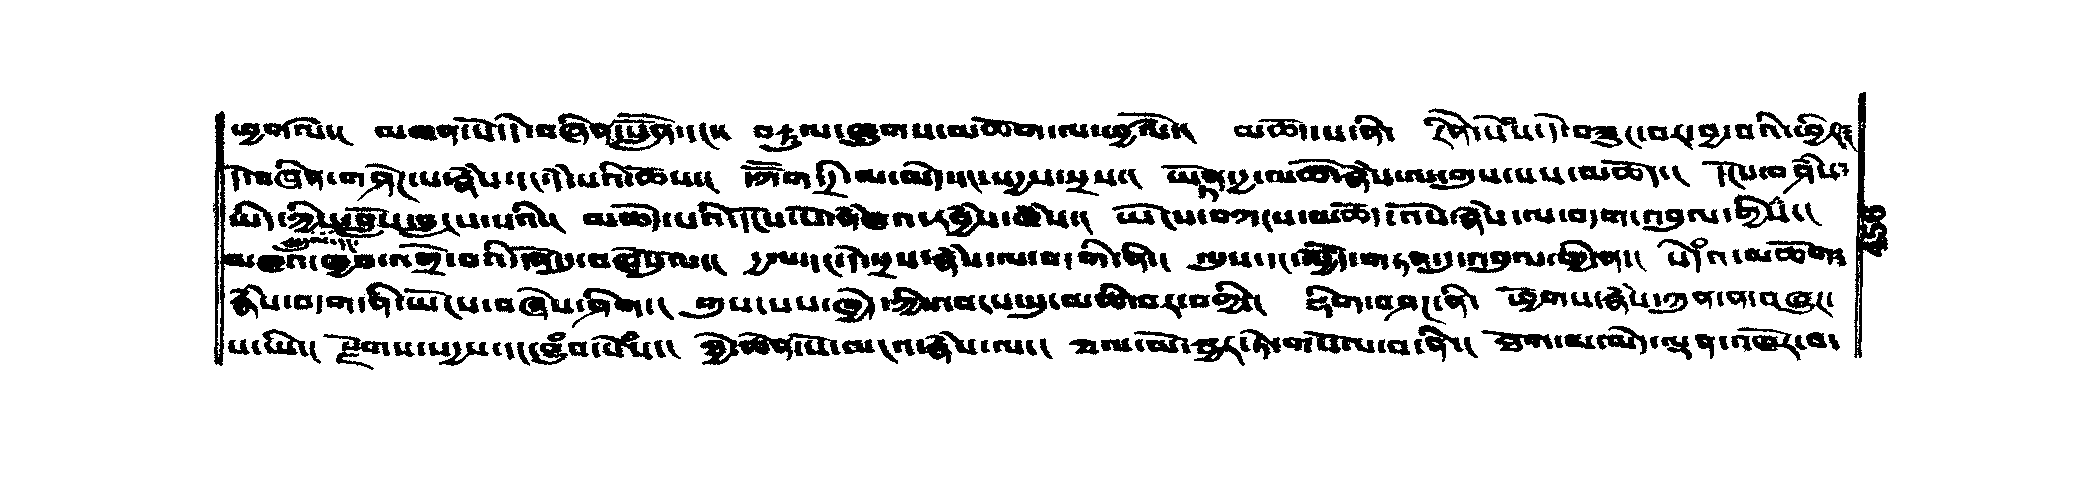ཕྱག་འཚལ་ལོ། །མཁན་པོ་དེ་བཞིན་སློབ་དཔོན་དང་། །བརྟུལ་ཞུགས་མཆོག་ལ་ཕྱག་འཚལ་ལོ། མཆོད་པ་ནི། རིན་ཆེན་སེམས་དེ་བཟུང་བར་བྱ་བའི་ཕྱིར། །
དེ་བཞིན་བཤེགས་པ་རྣམས་དང་དམ་པའི་ཆོས། །དཀོན་མཆོག་དྲི་མ་མེད་དང་སངས་རྒྱས་སྲས། །ཡོན་ཏན་རྒྱ་མཚོ་རྣམས་ལ་གུས་པས་མཆོད། །དངོས་བཤམས་
ཡིད་ཀྱིད་སྤྲུལ་དང་བློས་བླངས་པའི། །མཆོད་པའི་དངོས་པོ་ནམ་མཁའ་རབ་འབྱམས་ཁམས། །ཡོངས་བཀང་མཆོད་འོས་རྣམས་ལ་བདག་འབུལ་གྱིས། །
མཁའ་ཁྱབ་འགྲོ་བའི་དོན་དུ་བཞུགས་སུ་གསོལ། །རྒྱལ་དང་དེ་སྲས་རྣམས་ལ་བདག་གི་ནི། །ལུས་དང་ལོངས་སྤྱོད་གཏན་དུ་འབུལ་གྱི་ན། །སེམས་དཔའ་མཆོག་
རྣམས་བདག་ནི་ཡོངས་བཞེས་ཤིག་།གུས་པས་ཁྱོད་ཀྱིས་འབངས་སུ་མཆི་བར་བགྱི། །སྡིག་བཤགས་ནི། ཕྱོགས་རྣམས་ཀུན་ན་བཞུགས་
པ་ཡི། །རྫོགས་སངས་རྒྱས་དང་བྱང་ཆུབ་སེམས། །ཐུགས་རྗེ་ཆེན་པོ་མངའ་རྣམས་ལ། །ཐལ་མོ་སྦྱར་ཏེ་གསོལ་བ་